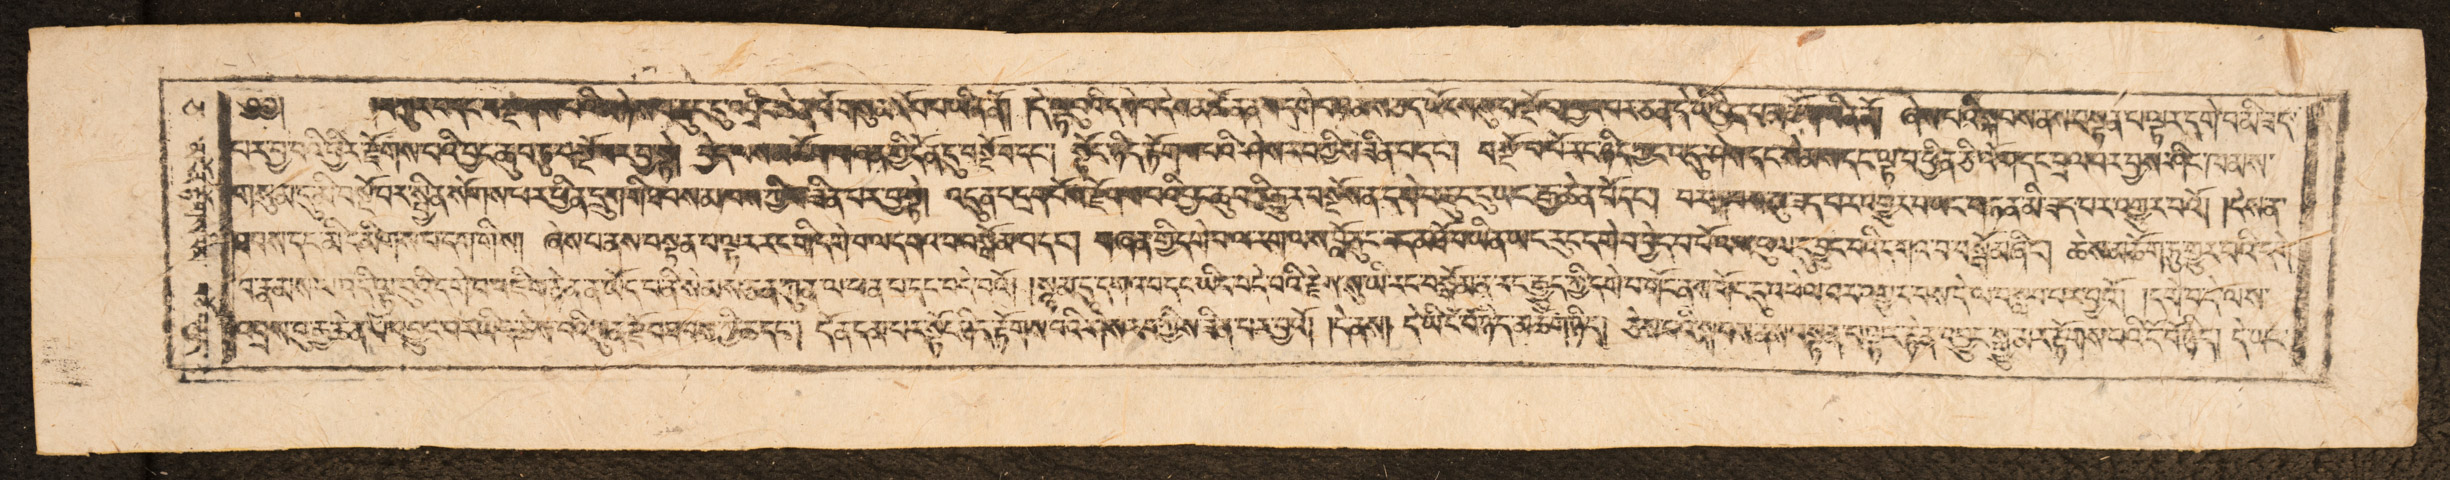༄༅། །བཀུར་བ་དང་བསྔགས་པའི་མཉེས་པ་ཆུང་ངུ་འབྲིང་ཆེན་པོ་གསུམ་ཐོབ་པ་ཡིན་ནོ། །དེ་ལྟ་བུའི་དགེ་བ་དེས་མཚོན་ནས་དགེ་བ་ཐམས་ཅད་ཡོངས་སུ་བསྔོ་བ་ཁྱད་པར་ཅན་དེ་ཡི་བྱེད་པ་མཆོག་ཡིན་ནོ། ཞེས་པའི་སྐབས་ནས་བསྟན་པ་ལྟར་དགེ་བ་མི་ཟད་
པར་བྱ་བའི་ཕྱིར་རྫོགས་པའི་བྱང་ཆུབ་ཏུ་བསྔོ་བར་བྱ་སྟེ། བྱེད་ལས་མཆོག་གཞན་གྱི་དོན་དུ་བསྔོ་བ་དང་། སྟོང་ཉིད་རྟོགས་པའི་ཤེས་རབ་ཀྱིས་ཟིན་པ་དང་། བསྔོ་བ་པོ་རང་ཉིད་ཀྱང་འདུ་ཤེས་དང་སེམས་དང་ལྟ་བ་ཕྱིན་ཅི་ལོག་དང་བྲལ་པར་བྱས་ཤིང་ཁམས་
གསུམ་དུ་མི་བསྔོ་བར་སྦྱིན་སོགས་ཕར་ཕྱིན་དྲུག་གི་ཐབས་མཁས་ཀྱིས་ཟིན་པར་བྱ་སྟེ། འདུན་པ་དྲག་པོས་རྫོགས་པའི་བྱང་ཆུབ་ཀྱི་རྒྱུར་བསྔོས་ན་དགེ་བ་ཆུང་ངུ་ཡང་རྒྱ་ཆེན་པོ་དང་། བར་སྐབས་སུ་ཟད་པར་འགྱུར་བ་ཡང་གཏན་མི་ཟད་པར་འགྱུར་བའོ། །དེས་ན་
ཐབས་དང་མི་དམིགས་པ་དག་གིས། ཞེས་པ་ནས་བསྟན་པ་ལྟར་རང་གི་དགེ་བ་ལ་དགའ་བ་བསྒོམ་པ་དང་། གཞན་གྱི་དགེ་བ་ལ་རག་ལས་བློ་ཅུང་ཟད་མཐོ་བ་ཡིན་ཡང་རུང་དགེ་བ་བྱེད་པ་པོ་ལས་ཕུལ་དུ་བྱུང་བའི་དགའ་བ་བསྒོམ་ཞིང་། ཆེས་མཆོག་ཏུ་གྱུར་པའི་དགེ་
བ་རྣམས་ལ་འདི་ལྟ་བུའི་དགེ་བ་འཇིག་རྟེན་ན་ཡོད་པ་ནི་སེམས་ཅན་ཀུན་ལ་ཕན་པ་དང་བདེ་བའོ། །སྙམ་དུ་དགའ་བ་དང་ཡིད་བདེ་བའི་རྗེས་སུ་ཡི་རང་བསྒོམ་ན་རང་རྒྱུད་ཀྱི་དགེ་བ་གོང་ནས་གོང་དུ་འཕེལ་བར་འགྱུར་བས་དེ་ལ་བསླབ་པར་བྱའོ། །དགེ་བ་དེ་ལས་
འབྲས་བུ་རྒྱ་ཆེན་པོ་འབྱུང་བར་ཡིད་ཆེས་པའི་ཀུན་རྫོབ་ཐབས་ཀྱི་ཆ་དང་། དོན་དམ་པར་སྟོང་ཉིད་རྟོགས་པའི་ཤེས་རབ་ཀྱིས་ཟིན་པར་བྱའོ། །དེ་ནས། དེ་ཡི་ངོ་བོ་ཉིད་མཆོག་ཉིད། ཅེས་པའི་སྐབས་ནས་བསྟན་པ་ལྟར་རྟེན་འབྱུང་སྒྱུ་མར་རྟོགས་པའི་ངོ་བོ་ཉིད། དེ་ཡང་